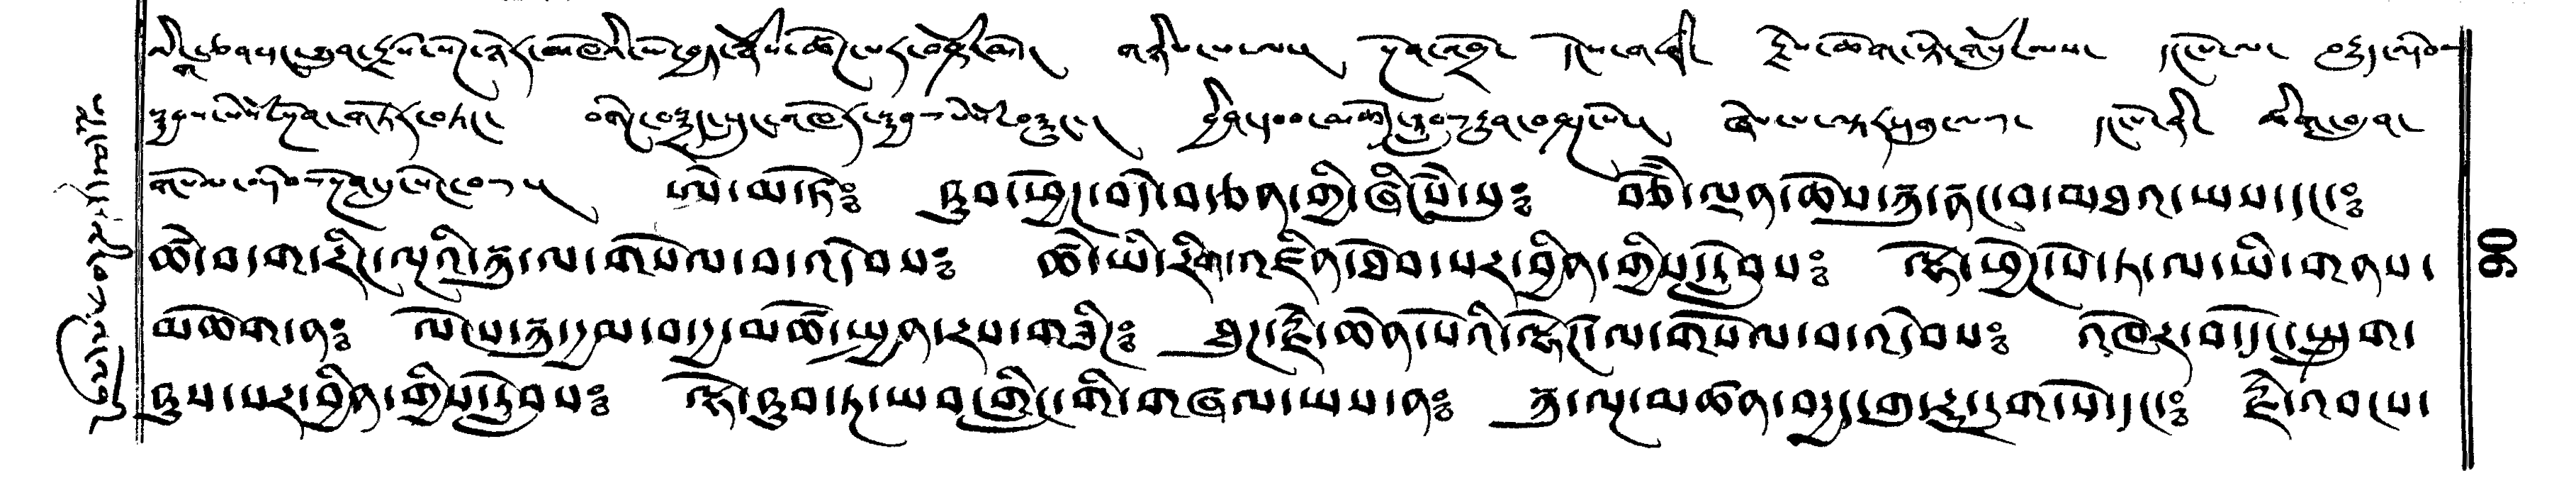ལིངྒ་ཅན་དང་ཐུན་རྫས་སོགས་ཉེར་མཁོའི་ཡོ་བྱད་རྣམས་ཚོགས་པར་བཤམ་མོ། གཉིས་པ་ལ། སྔོན་འགྲོ། དངོས་གཞི། རྗེས་ཆོག་སྟེ་གསུམ་ལས། དང་པོ་ལ། བརྒྱུད་འདེབས་
སྐྱབས་སེམས་སྔོན་གཏོར་བཏང་། །བགེགས་བསྐྲད་སྲུང་འཁོར་སྐྱབས་སེམས་བཟུང་། །བྱིན་དབབ་མཆོད་རླབ་རྒྱུན་བཤགས་སོ། ཞེས་པ་ལྟར་དགུ་ལས། དང་པོ་ནི། ཚིག་བདུན་
གསོལ་འདེབས་སྔོན་དུ་སོང་བས། ཨེ་མ་ཧོ༔ ནུབ་ཕྱོགས་བདེ་བ་ཅན་གྱི་ཞིང་ཁམས་སུ༔ བཅོམ་ལྡན་ཆོས་སྐུ་སྣང་བ་མཐའ་ཡས་དང༔ 
ཚེ་བདག་རིགས་ལྔའི་སྐུ་ལ་གསོལ་བ་འདེབས༔ ཚེ་ཡི་རིག་འཛིན་ཐོབ་པར་བྱིན་གྱིས་རློབས༔ ལྷོ་ཕྱོགས་པོ་ཏ་ལ་ཡི་གནས་
མཆོག་ན༔ ལོངས་སྐུ་རྒྱལ་བ་རྒྱ་མཚོ་སྤྱན་རས་གཟིགས༔ ཐུགས་རྗེ་ཆེན་པོའི་ལྷ་ཚོགས་ལ་གསོལ་བ་འདེབས༔འཁོར་བ་དོང་སྤྲུགས་
ནུས་པར་བྱིན་གྱིས་རློབས༔ ལྷོ་ནུབ་རྔ་ཡབ་གླིང་གི་གཞལ་ཡས་ན༔ སྐུ་ལྔ་མཚན་བརྒྱད་གུ་རུ་དྲག་པོ་དང༔ རྗེ་འབངས་